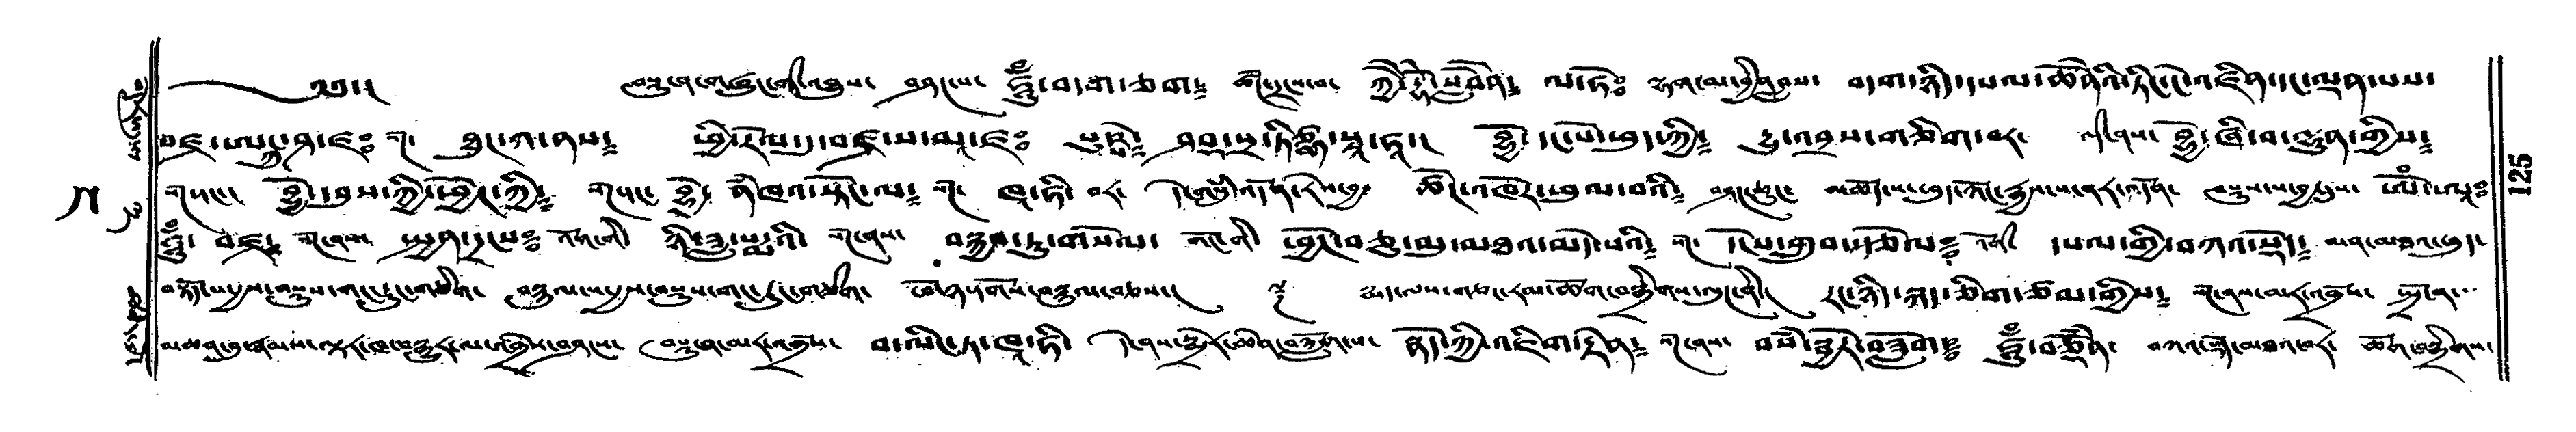བསྡུ་ན་གཞུང་གིས་འཐུས། བཤགས་པ། ཧཱུྃ༔བདག་ཅག༴ ཚོགས་དྲངས་པ། ཀྱཻ༔རྡོ་རྗེ་སློབ་དཔོན༴ ལ་ཧོ༔ ལྷག་མ་བྱིན་རླབས། བདག་ཉིད་དཔལ་ཆེན་པོའི་ཏིང་ངེ་འཛིན་དང་ལྡན་པས་
བཛྲ་ཨངྐུ་ཤ་ཛ༔ སོགས། ཐུགས་ཀ་ནས༴ ཕྱི་རོལ་དུ་བཛྲ་ས་མཱ་ཛ༔ པུཥྤེ༴ ཤབྡ་པྲ་ཏིཙྪ་སྭ་ཧཱ༔ བྷྱོ༔ དང་པོ་ཕུད་ཀྱི༴ རྒྱུ་འབྲས་གཅིག༔ བར། འདི་ནས། བྷྱོ༔ཞི་བ་ལྷུན་གྱིས༴ 
སོགས་དང་། བྷྱོ༔དབུས་ཀྱི་ཕྱོགས་ཀྱི༴ སོགས་དང་། བྷྱོ༔ ནམ་མཁའ་སྟོང་ལ༴ སོགས། ཁཱ་ཧི༔ བར། དེ་དག་གསུམ་འདོན་རེ་བྱ། ཚོགས་འཁོར་ཕུལ་བའི༴ བཤགས་ཆུང་། མཆོད་པ་ཕུད་ཀོང་རྒྱས་པ་ནར་འདོན། བསྡུས་པ་བྱེད་དུས། ཨོཾཨཱཿ
ཧཱུྃ༔ བཛྲ༴ སོགས་ནས། སྤྱན་དྲངས༔ འོག་གི ཉི་ཟླ་པདྨའི༴ སོགས་ནས། སྐྱོབ་ཏུ་གསོལ༔ གོང་གི ཕྱོགས་བཅུ་མུ་མཐའ་མེད་པའི༴ སོགས། དངོས་གྲུབ་སྩོལ༔ འོག་གི དཔལ་གྱི་བཀའ་སྡོད༴ མན་མཐའ་ཕུད། 
བསྟོད་པ་རྒྱས་བསྡུས་གང་རུང་གཅིག བསྐུལ་པ་རྒྱས་བསྡུས་གང་རུང་གཅིག ཕོ་ཉ་དགོས་བསྐུལ་བཅས། ༈ སྨད་ལས་གཙང་རམ་ཆོག་སྒྲིགས་ལུགས་ནི། རང་ཉིད་སྐད་ཅིག་ཙམ་གྱིས༴ སོགས་ནས་མར་འགྲོས། སྤྲོ་ན་
མཆན་བུ་རྣམས་ལྟར་ཁ་བསྒྱུར་ལ་འགྲེས་བཤང་། བསྡུ་ན་མར་འགྲོས། བ་ལིང་ཏ་ཁཱ་ཧི༔ དེ་ནས་སྨྲོར་ཆེན་ཟློག་པ། སྣོད་ཀྱི་འཇིག་རྟེན༴ སོགས་ནས། བསམ་སྦྱོར་བཟློག༔ ཧཱུྃ༔བཅོམ་ལྡན༴ བཀའ་སྡོད་མཐའ་བར། ཆོག་སྒྲིགས་